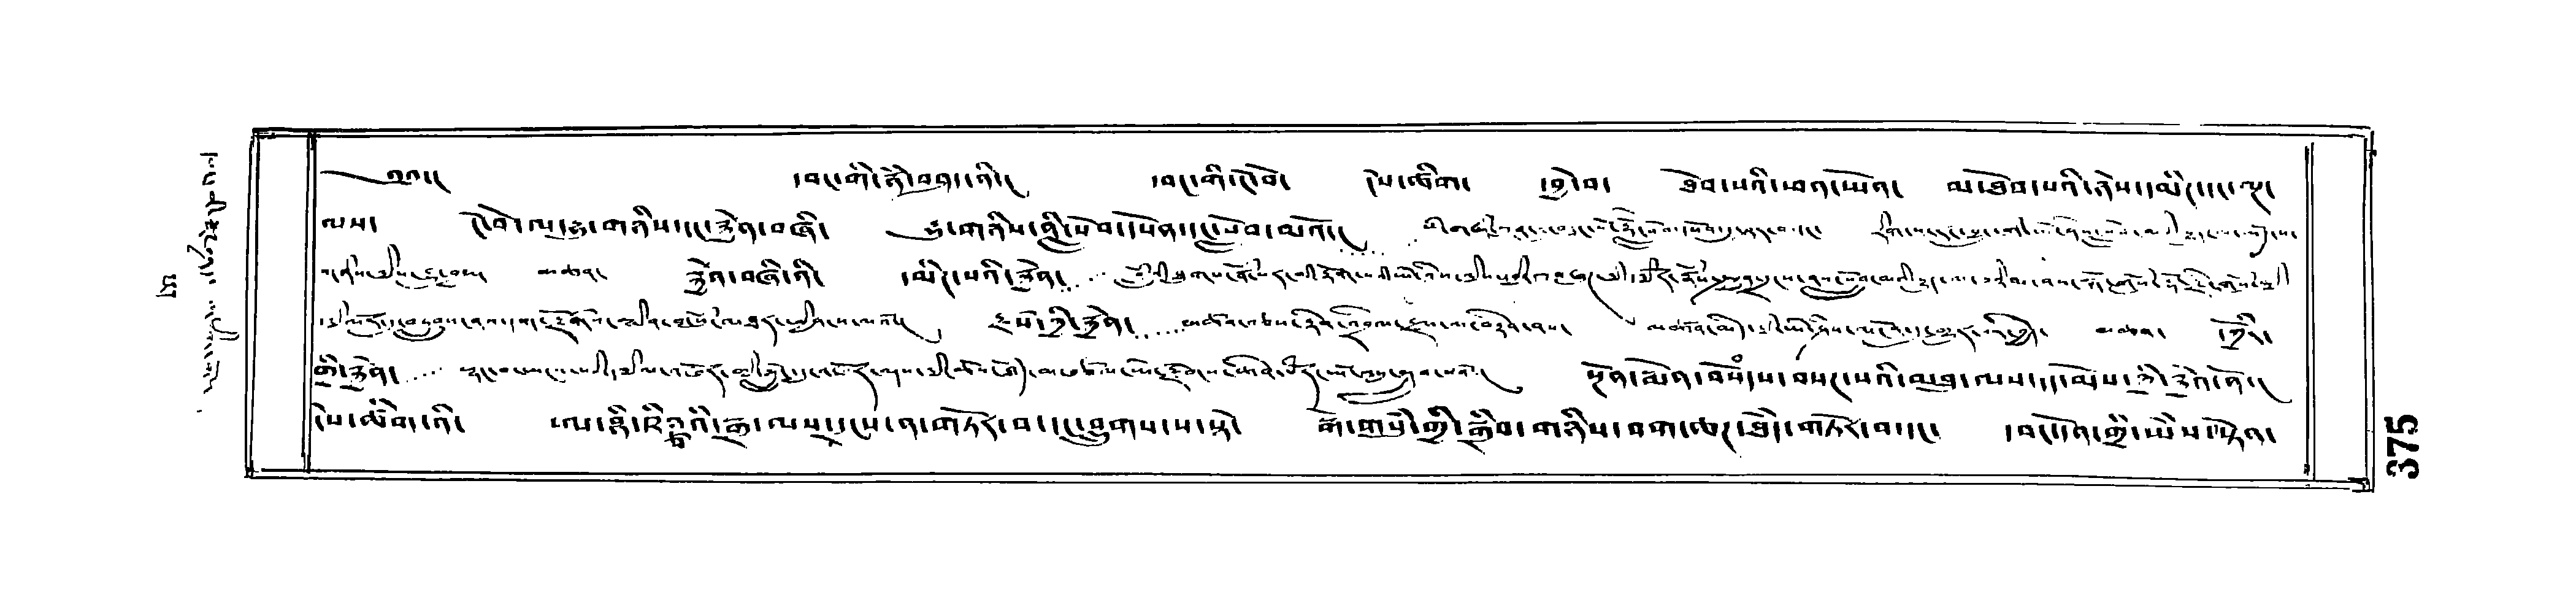དབང་གི་རྣམ་བཤད་ནི། དབང་གི་ངོ་བོ། ངེས་ཚིག དབྱེ་བ། ཐོབ་པའི་ཕན་ཡོན། མ་ཐོབ་པའི་ཉེས་དམིགས་དང་ལྔ་
ལས། ངོ་བོ་ལ་རྒྱུ་གཉིས་དང་རྐྱེན་བཞི། རྒྱུ་གཉིས་ནི་སློབ་དཔོན་དང་སློབ་མའོ། ཡེ་གཞི་ཀུན་ཏུ་བཟང་པོ་རྡོ་རྗེ་སློབ་དཔོན་དུ་ཤར་བ་དང་། རིག་པ་རང་བྱུང་གི་ཡེ་ཤེས་སློབ་མའི་རྒྱུད་ལ་ཡོད་པ་
གཉིས་ཀྱིས་རྒྱུ་བྱས། མཆན། རྐྱེན་བཞི་ནི། དམིགས་པའི་རྐྱེན། བླ་མའི་ཐུགས་རྣམ་པར་མི་རྟོག་པའི་ཡེ་ཤེས་ཀྱི་དབྱིངས་བཞུགས་ཀྱི་དཀྱིལ་འཁོར་རྣམས་སྤྱན་དྲངས་ནས་སློབ་མའི་རྒྱུད་ལ་བསྟིམ་ནས་སྒོ་གསུམ་རྡོ་རྗེ་གསུམ་གྱི་
དཀྱིལ་འཁོར་དུ་བརླབས་ནས་དག་རྫོགས་སྨིན་གསུམ་མཐར་ཕྱིན་པ་ལའོ། རྫས་ཀྱི་རྐྱེན། མཚན་བཅས་རྟེན་འབྲེལ་རྫས་ལ་བརྟེན་ནས། མཚན་མེད་ཀྱི་ཡེ་ཤེས་མངོན་དུ་གྱུར་པར་བྱེད། མཆན། དཀྱིལ་འཁོར་
གྱི་རྐྱེན། སྣང་བ་ཡངས་པའི་དཀྱིལ་འཁོར་གྱི་ཀློང་དུ་འཁོར་འདས་ཀྱི་ཆོས་ཐམས་ཅད་མ་བཙལ་ཡེ་རྫོགས་ཆེན་པོར་ཡོངས་སུ་གྲུབ་པའོ།། སྔོན་སྨོན་བསོད་ནམས་བསགས་པའི་མཐུ་ལས་དད་མོས་ཀྱི་རྐྱེན་ནོ། 
ངེས་ཚིག་ནི། ཨ་བྷི་རིཉྩའི་སྒྲ་ལས་དྲངས་ན་གཏོར་བ་དང་བླུགས་པ་སྟེ། སྒོ་གསུམ་གྱི་སྒྲིབ་གཉིས་བག་ཆགས་ཐམས་ཅད་གཏོར་བ་དང་། དབང་དོན་གྱི་ཡེ་ཤེས་ཡོན་ཏན་